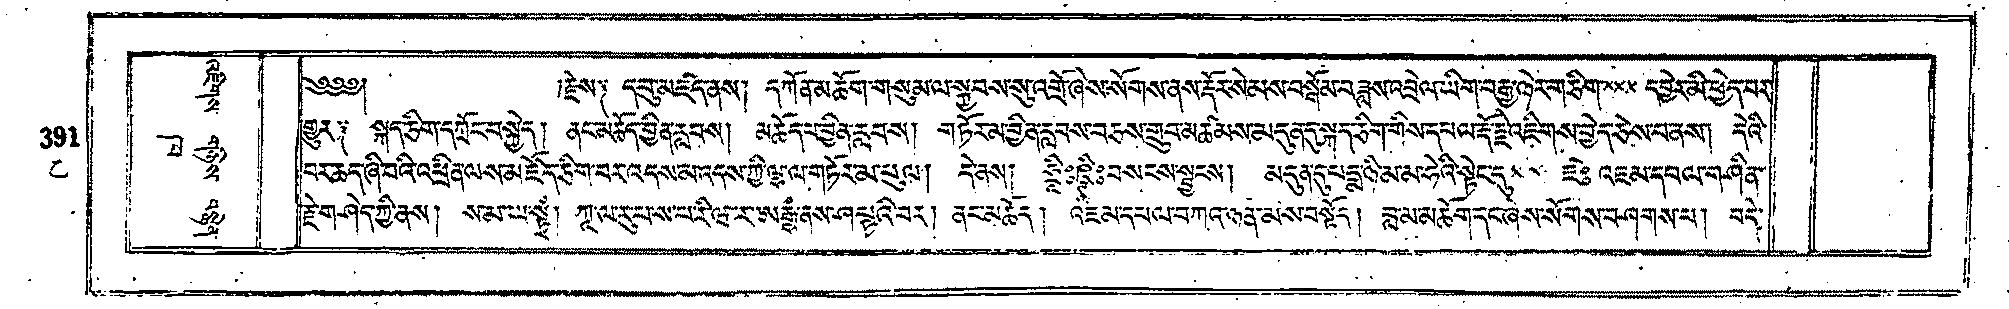༄༅༅། །རྗེས༑ དབུ་མཛད་ནས། དཀོན་མཆོག་གསུམ་ལ་སྐྱབས་སུ་འགྲོ་ཞེས་སོགས་ནས་རྡོར་སེམས་བསྒོམ་བཟླས་འབྲེལ་ཡིག་བརྒྱ་ཉེར་གཅིག་྾་྾་྾་དབྱེར་མི་ཕྱེད་པར་
གྱུར༑ སྐད་ཅིག་དཀྲོང་བསྐྱེད། ནང་མཆོད་བྱིན་རླབས། མཆོད་པ་བྱིན་རླབས། གཏོར་མ་བྱིན་རླབས་བཅས་གྲུབ་མཚམས་མདུན་དུ་སྐད་ཅིག་གིས་དཔལ་རྡོ་རྗེ་འཇིགས་བྱེད་ཅེས་པ་ནས། དེའི་
བར་ཆད་ཞི་བའི་འཕྲིན་ལས་མཛོད་ཅིག་བར་འདས་མ་འདས་ཀྱི་ལྷ་ལ་གཏོར་མ་ཕུལ། དེ་ནས། ཧྲཱིཿཥྚཱིཿབསངས་སྦྱངས། མདུན་དུ་པདམ་ཉི་མ་མ་ཧེའི་སྟེང་དུ་྾་྾་྾་རྫཿ འཇམ་དཔལ་གཤིན་
རྗེ་གཤེད་ཀྱི་ནས། ས་མ་ཡ་སྟྭཾ། ཀཱ་ལ་རུ་པ་ས་པ་རི་ཝ་ར་ཨརྒྷཾ་ནས་ཤཔྟའི་བར། ནང་མཆོད། འཇམ་དཔལ་བཀའ་ཉན་མས་བསྟོད། བླ་མ་མཆོག་དང་ཞེས་སོགས་བཤགས་པ། བདེ་